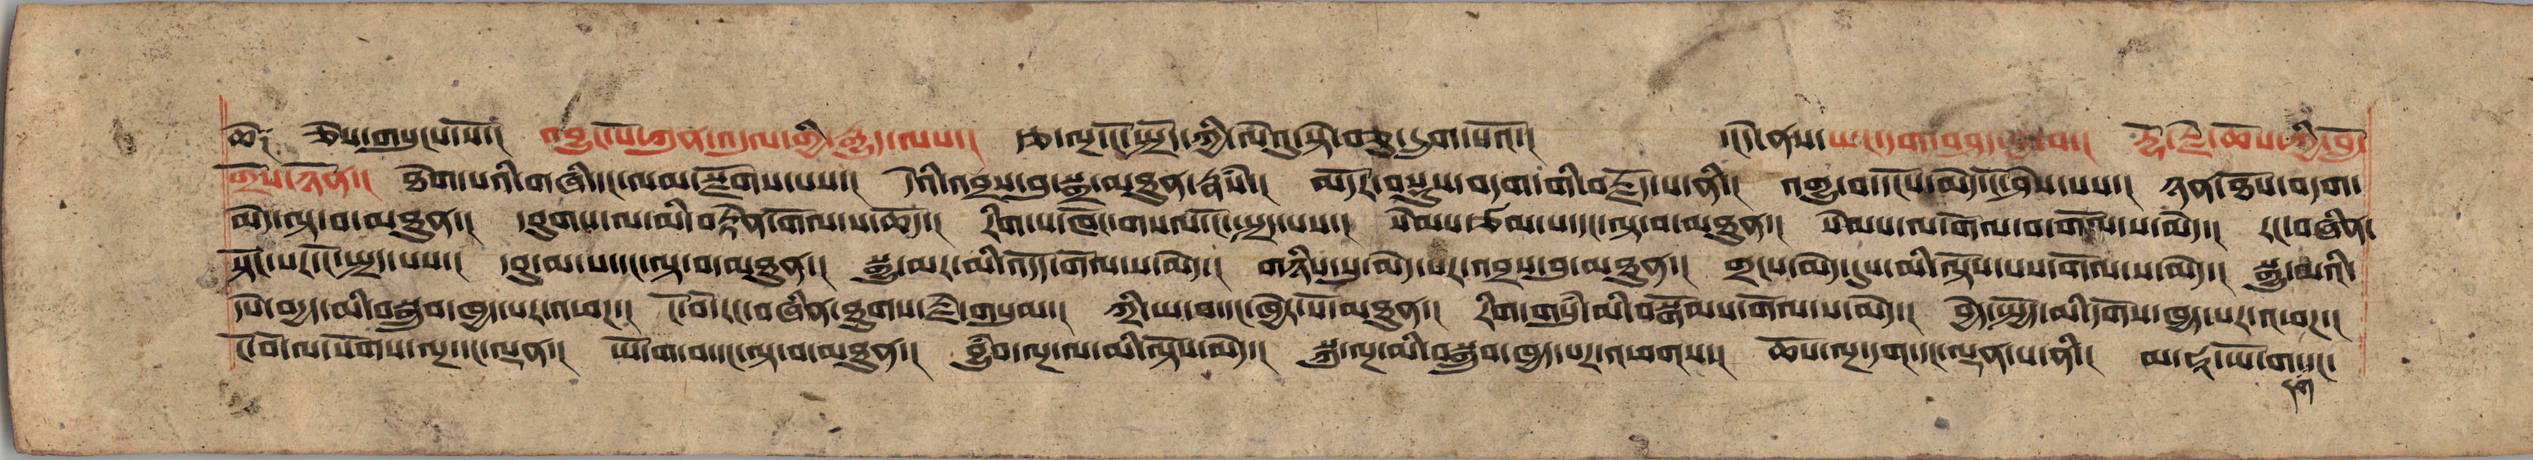ཆེ༑ ཅེས་གསུངས་སོ་། འབྱུང་པོ་ཀུན་འདུལ་གྱི་རྒྱུད་ལས་། རྩ་ལྔ་ངོ་སྤྲོད་ཀྱི་ལེའུ་སྟེ་བཅུ་དྲུག་པའོ་། ༈ ་།དེ་ནས་ཡང་དག་བཤད་བྱ་བ་། རྡོ་རྗེ་ཆོས་ཀྱི་བློ་
གྲོས་ཉོན་། ཐེག་པའི་གཞི་དང་ལམ་སྫོགས་པས་། དེའི་འབྲས་བུ་སྒྲ་མཐུན་རྣཾས་། མདོར་བསྡུས་བདག་གི་བརྗོད་པ་ནི་། འགྱུ་བ་དངོས་མེད་ངོ་ཤེས་པས་། ཉན་ཐོས་བདག་
མེད་ལྟ་བ་མཐུན་། དབུགས་ལ་མི་བརྟེན་གོལ་ས་ཆོད་། རིག་པ་ཁོང་གསལ་ངོ་སྤྲད་པས་། སེམས་ཙམ་པ་དང་ལྟ་བ་མཐུན་། སེམས་ལ་གོལ་བ་གོལ་ས་མེད་། རང་བཞིན་
སྟོང་པར་ངོ་སྤྲད་པས་། དབུ་མ་པ་དང་ལྟ་བ་མཐུན་། སྒྱུ་མར་མི་འདོད་གོལ་ས་མེད་། གཉིས་སུ་མེད་པར་འབྲས་བུ་མཐུན་། གྲངས་མེད་དུས་མི་ལྟོས་པས་གོལ་ས་མེད་། སྒྱུ་མའི་
དཔེ་བདྱད་མི་བསྒྲུབ་ཁྱད་པར་འཕཌ་། ངོ་བོ་རང་བཞིན་ཐུགས་རྗེ་གསུམ་། ཀྲི་ཡ་བ་དང་ཁྱེར་སོ་མཐུན་། རིག་གསུཾ་མིབསྒོམས་གོལ་ས་མེད་། བྱེད་སྤྱོད་མི་དགོས་ཁྱད་པར་འཕཌ་།
ངོ་བོ་ལ་སོགས་ལྔ་དང་ལྡན་། ཡོ་ག་བ་དང་ལྟ་བ་མཐུན་། བྱུཾབ་ལྔ་ལ་མི་ལྟོས་མེད་། སྐུ་ལྔ་མི་བསྒྲུབ་ཁྱད་པར་འཕགས་། ཆོས་ལྔ་དག་དང་ལྡན་པ་ནི་། མ་ཧཱ་ཡོ་ག་དག་དང་